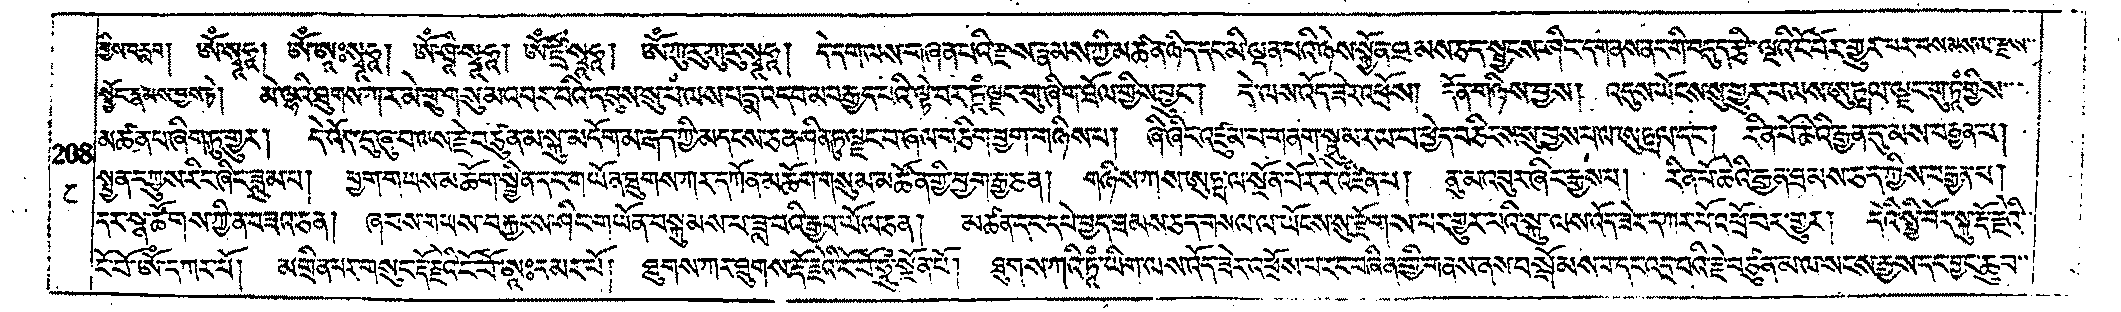གྱིས་བརླབ།  ཨོཾ་སྭཱཧཱ། ཨོཾ་ཨཱཿ སྭཱཧཱ། ཨོཾ་ཤྲཱི་སྭཱཧཱ། ཨོཾ་ཛྲིཾ་སྭཱཧཱ། ཨོཾ་ཀུ་རུ་ཀུ་རུ་སྭཱཧཱ། དེ་དག་ལས་གཞན་པའི་རྫས་རྣམས་ཀྱི་མཚན་ཉིད་དང་མི་ལྡན་པའི་ཉེས་སྐྱོན་ཐམས་ཅད་སྦྱངས་ཤིང་དག་ནས་ནང་གི་བདུད་རྩི་ལྔའི་ངོ་བོར་གྱུར་པར་བསམས་ལ་རྫས་་་
སྦྱོང་རྣམས་བྱས་ཏེ། མེ་ལྷའི་ཐུགས་ཀར་མེ་གྲུ་གསུམ་འབར་བའི་དབུས་སུ་པཾ་ལས་པདམ་འདབ་མ་བརྒྱད་པའི་ལྟེ་བར་ཏཱཾ་ལྗང་གུ་ཞིག་ཐོལ་གྱིས་བྱུང་། དེ་ལས་འོད་ཟེར་འཕྲོས། དོན་གཉིས་བྱས། འདུས་ཡོངས་སུ་གྱུར་པ་ལས་ཨུཏྤལ་ལྗང་གུ་ཏཱཾ་གྱིས་་་
མཚན་པ་ཞིག་ཏུ་གྱུར། དེ་འོད་དུ་ཞུ་བ་ལས་རྗེ་བཙུན་མ་སྐུ་མདོག་མ་རྒྱད་ཀྱི་མདངས་ཅན་ཤིན་ཏུ་ལྗང་བ་ཞལ་གཅིག་ཕྱག་གཉིས་པ། ཞི་ཞིང་འཛུམ་པ་གནས་སྣུམ་རལ་པ་ཕྱེད་བཅིངས་སུ་བྱས་པ་ལ་ཨུཏྤལ་དང་། རིན་པོ་ཆེའི་རྒྱན་དུ་མས་བརྒྱན་པ།
སྤྱན་དཀྱུས་རིང་ཞིང་ཟླུམ་པ། ཕྱག་གཡས་མཆོག་སྦྱིན་དང་གཡོན་ཐུགས་ཀར་དཀོན་མཆོག་གསུམ་མཚོན་གྱི་ཕྱག་རྒྱ་ཅན། གཉིས་ཀས་ཨུཏྤ་ལ་སྔོན་པོ་རེ་རེ་འཛིན་པ། ནུ་མ་འབུར་ཞིང་རྒྱས་པ། རིན་པོ་ཆེའི་རྒྱན་ཐམས་ཅད་ཀྱིས་བརྒྱན་པ།
དར་སྣ་ཚོགས་ཀྱི་ན་བཟའ་ཅན། ཞབས་གཡས་བརྐྱངས་ཤིང་གཡོན་བསྐུམས་པ་ཟླ་བའི་རྒྱབ་ཡོལ་ཅན། མཚན་དང་དཔེ་བྱད་ཐམས་ཅད་གསལ་ལ་ཡོངས་སུ་རྫོགས་པར་གྱུར་པའི་སྐུ་ལས་འོད་ཟེར་དཀར་པོ་འཕྲོ་བར་གྱུར། དེའི་སྤྱི་བོར་སྐུ་རྡོ་རྗེའི་་་
ངོ་བོ་ཨོཾ་དཀར་པོ། མགྲིན་པར་གསུང་རྡོ་རྗེའི་ངོ་བོ་ཨཱཿ དམར་པོ། ཐུགས་ཀར་ཐུགས་རྡོ་རྗེའི་ངོ་བོ་ཧཱུཾ་སྔོན་པོ། ཐུགས་ཀའི་ཏཱཾ་ཡིག་ལས་འོད་ཟེར་འཕྲོས་པ་རང་བཞིན་གྱི་གནས་ནས་བསྒོམས་པ་དང་འདྲ་བའི་རྗེ་བཙུན་མ་ལ་སངས་རྒྱས་དང་བྱང་ཆུབ་་་